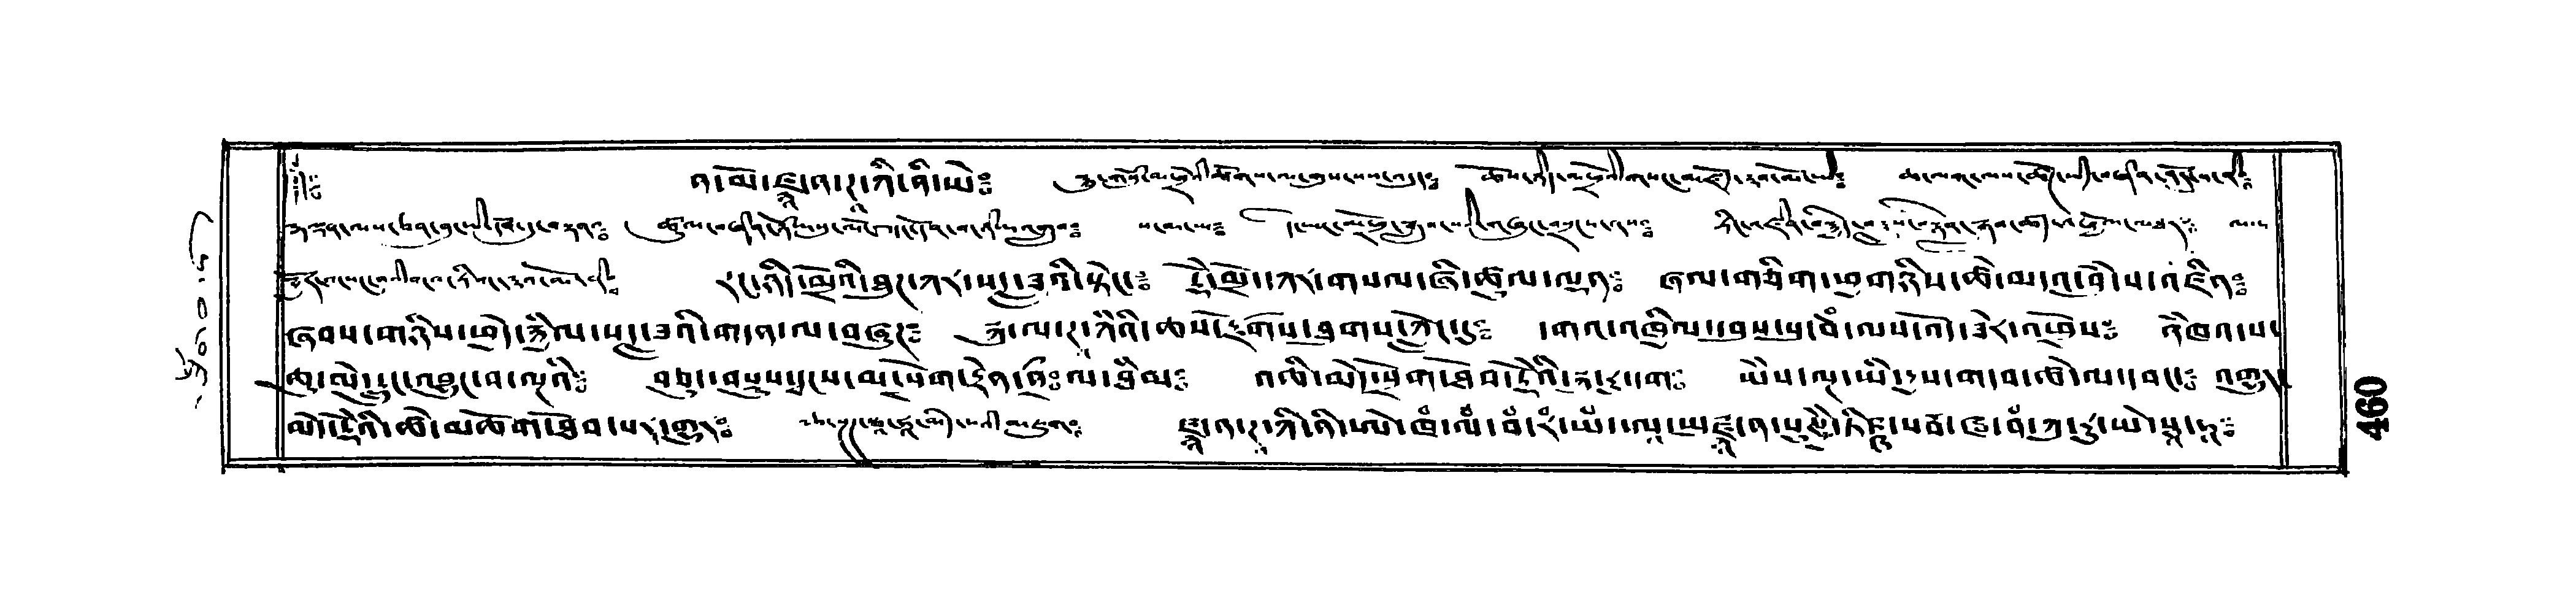ན་མོ་ཛྙཱ་ན་ཌཱ་ཀི་ནི་ཡེ༔ སྐུ་གསུམ་མཁའ་འགྲོའི་ཚོགས་ལ་གུས་པས་འདུད༔ ཆོས་ཉིད་མཁའ་འགྲོའི་གསང་མཛོད་ཟབ་མོ་ཡི༔ ཆ་ལག་ལས་ཚོགས་ཡིད་བཞིན་ནོར་བུ་ནི༔ 
སྐལ་ལྡན་ལས་ཅན་བུ་ཡི་དོན་དུ་བསྟན༔ ཚུལ་བཞིན་ཉམས་སུ་ལོངས་དང་དོན་གཉིས་འགྲུབ༔ ས་མ་ཡ༔ དེ་ཡང་མཁའ་འགྲོ་སྒྲུབ་པའི་གཞུང་བསྲངས་ནས༔ ཏིང་འཛིན་བསྐྱེད་བཟླས་བསྙེན་སྒྲུབ་ཚད་འཁྱོལ་མཐར༔ ལས་
སྦྱོར་གསང་བའི་གབ་ཏིག་ཟབ་མོ་ནི༔ རང་ཉིད་མཁའ་འགྲོའི་ཐུགས་ཀར་པད་ཟླའི་སྟེང༔ རྡོ་རྗེ་མཁའ་འགྲོ་དཀར་གསལ་ཞི་ཚུལ་ལྡན༔ ཞལ་གཅིག་ཕྱག་གཉིས་ཚེ་མདའ་བུམ་པ་འཛིན༔ 
ཞབས་གཉིས་ཕྱེད་སྐྱིལ་པད་ཟླའི་གདན་ལ་བཞུགས༔ སྐུ་ལ་ཌཱ་ཀིའི་ཆས་རྫོགས་ཐུགས་ཀློང་དུ༔ དགའ་འཁྱིལ་དབུས་སུ་བྃ་ལས་འོད་ཟེར་འཕྲོས༔ ནམ་མཁའ་ས་
ཆུ་མེ་རླུང་འབྱུང་བ་ལྔའི༔ བཅུད་བསྡུས་དྭངས་མ་སྲོག་རྟེན་ནྲྀཿལ་ཐིམ༔ འཆི་མེད་སྲོག་ཐོབ་རྡོ་རྗེའི་སྐུ་རུ་དག༔ ཡེ་ཤེས་ལྔ་ཡི་རྒྱས་གདབ་ཚེ་ལ་དབང༔ འགྱུར་
མེད་རྡོ་རྗེའི་ཚེ་མཆོག་འཐོབ་པར་གྱུར༔ རྩ་སྔགས་སྭཱ་ཧཱ་མེད་པའི་མཇུག༔ ཛྙཱ་ན་ཌཱ་ཀི་ནི་ཨེ་ཁཾ་ལཾ་བཾ་རཾ་ཡཾ་ཨཱ་ཡུ་རྫྙཱ་ན་པུཎྱཻ་ཏིཥྛ་སརྦ་ཝ་ཤཾ་ཀུ་རུ་ཡེ་སྭཱ་ཧཱ༔